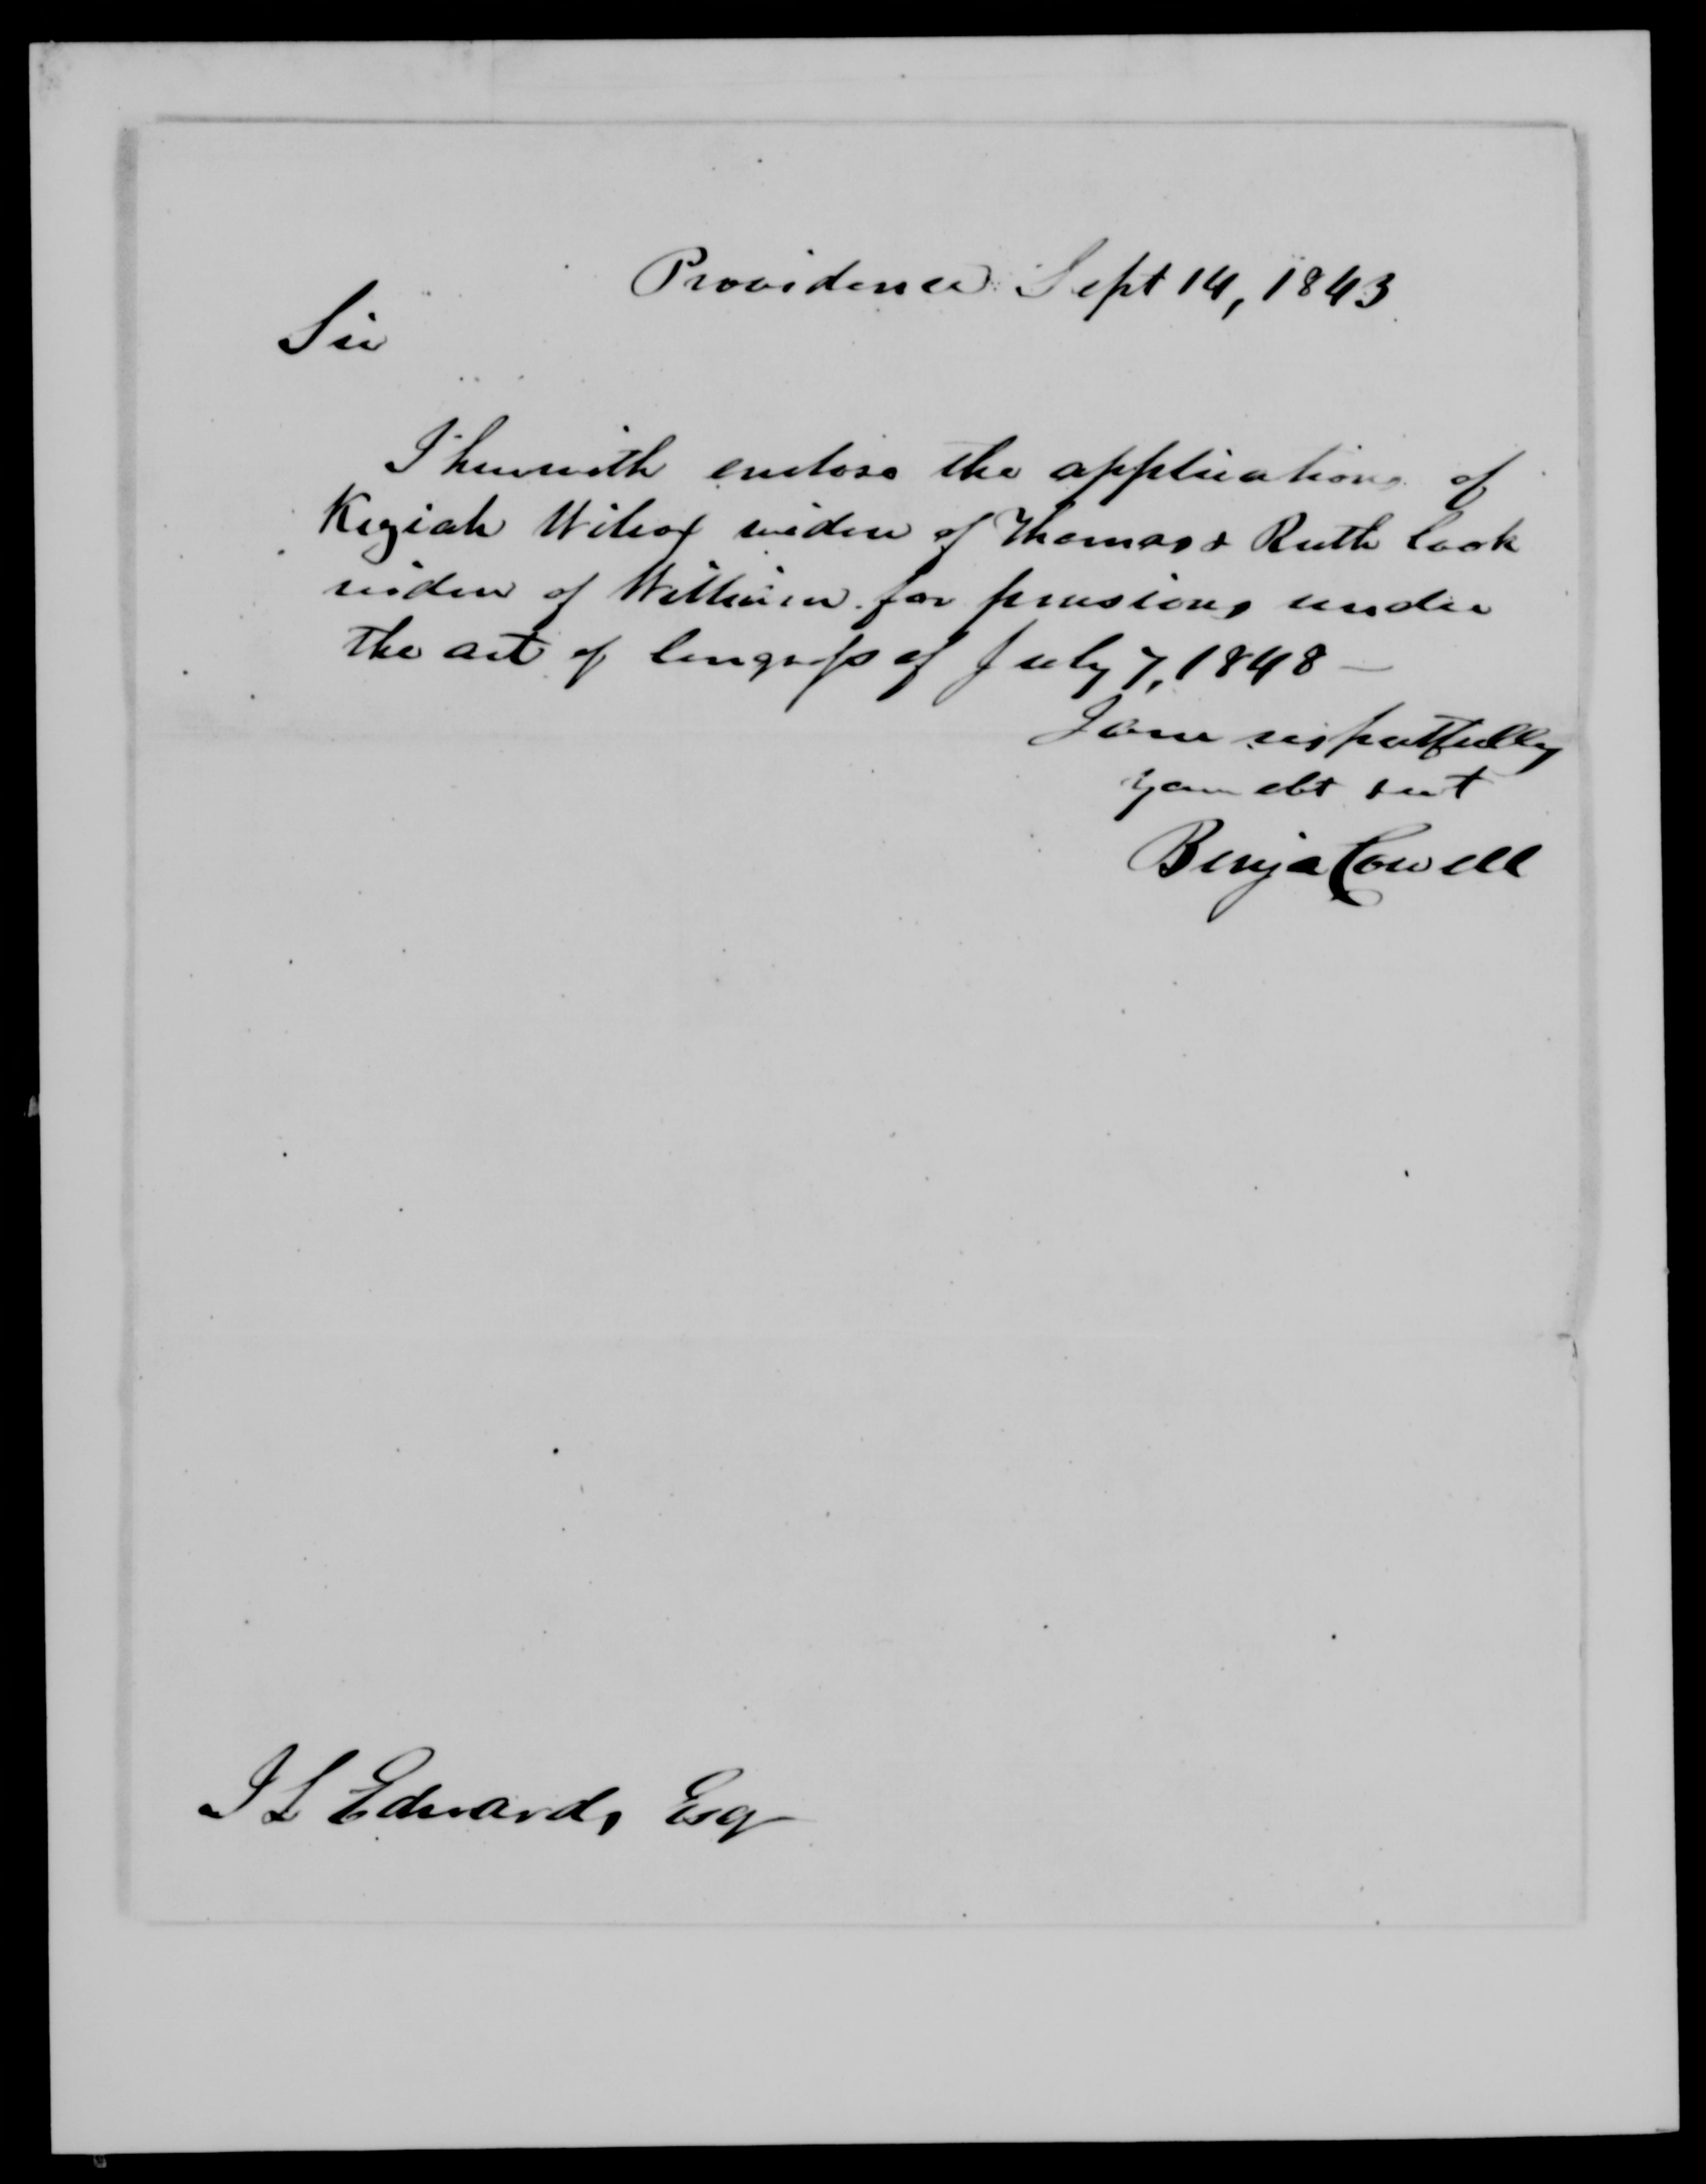Providence Sept 14, 1843
Sir
I herewith enclose the applications of
Keziah Wilcox widow of Thomas & Ruth Cook
widow of William for pensions under the
act of Congress of July 7, 1848-
I am respectfully
Your alt out
Benja Cowell
J L Edwards, Esq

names: Ruth Cook, Benja Cowell, J L Edwards, Keziah Wilcox, Thomas Cook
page: 28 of 39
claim: widow's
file: W. 26046, Thomas Willcox, R.I.